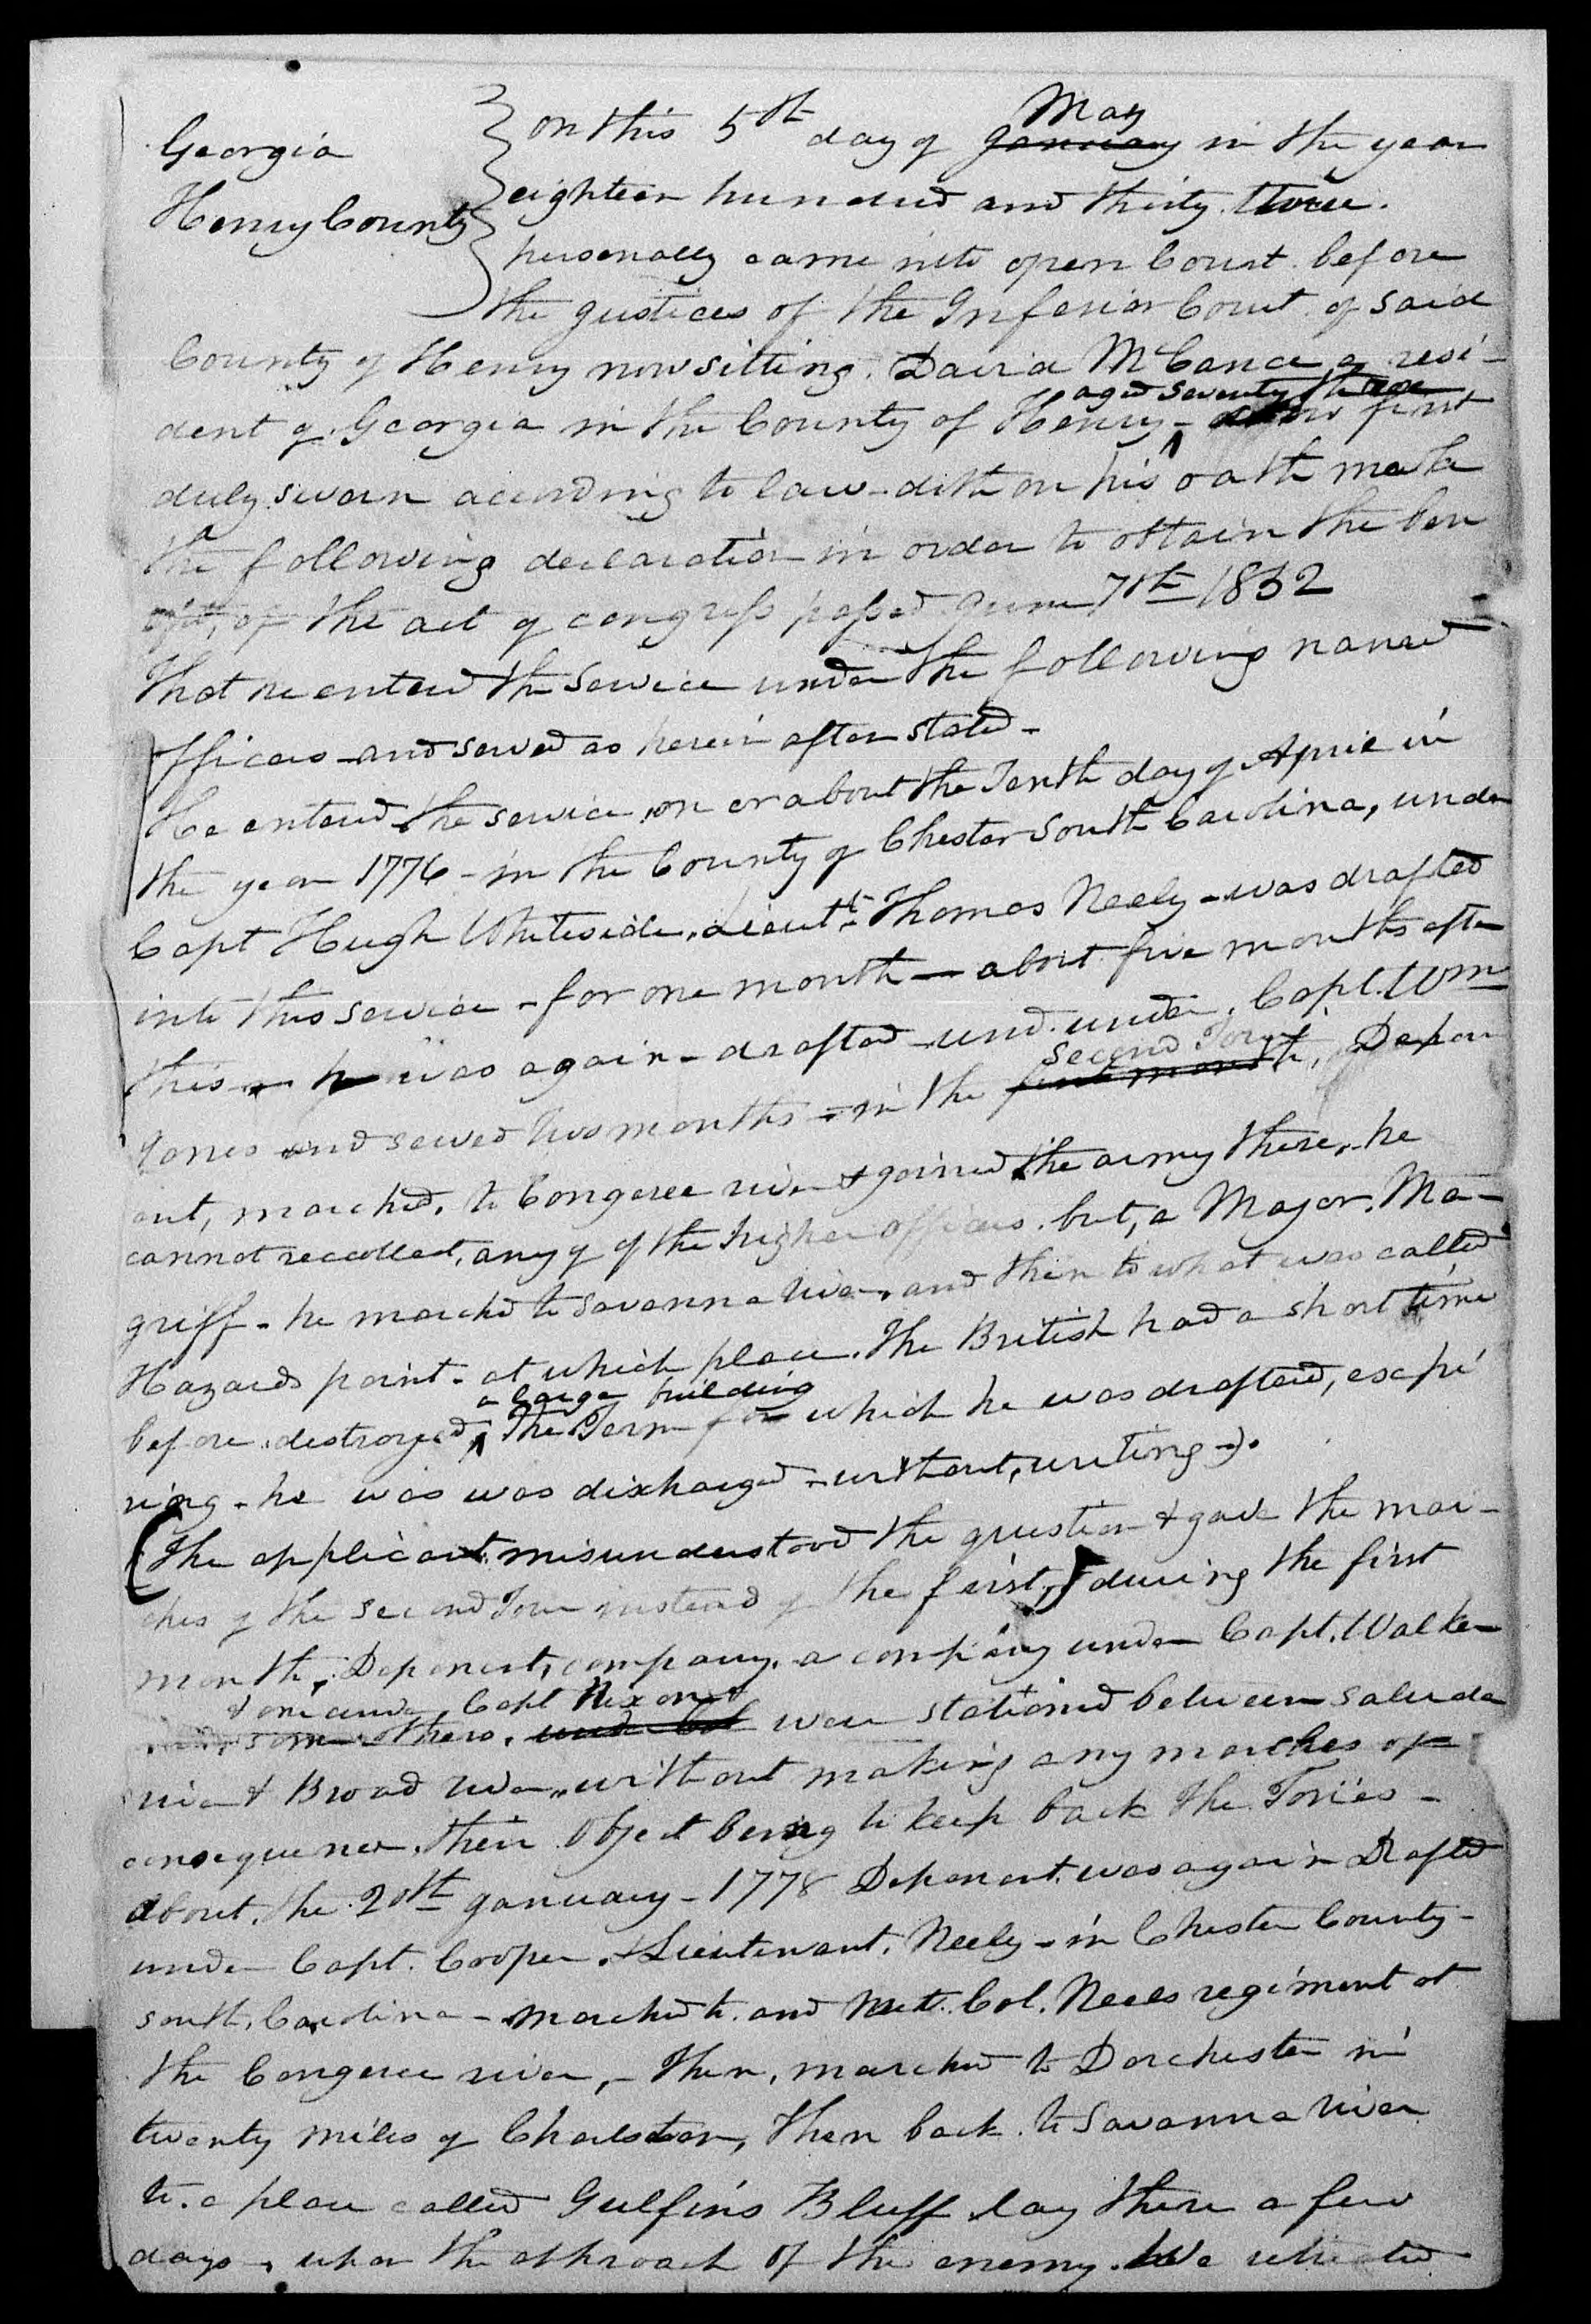Georgia
Henry County
On this 5th of May ["January" crossed out] in the year
 eighteen hundred and thirty three
personally came into open Court before
the Justices of the Inferior Court of said
County of Henry now sitting David McCance resident 
of Georgia in the County of Henry aged seventy three - first
duly sworn according to law doth on his oath make
the following declaration in order to obtain the benefit
of the act of congress passed June 7th 1832
That he entered the Service under the following named
officers and served as herein after stated.
He entered the service on or about the Tenth day of April in
the year 1776 - in the County of Chester South Carolina, under
Capt Hugh Whiteside, Lieut Thomas - Neely was drafted
into this service for one month- about five months after
this he was again - drafted - under Capt. Wm
Jones and served two months in the second Tour. Deponent
 marched to Congaree river & joined the army there, he
cannot recollect, any of the higher officers, but, a Major 
Magriff, he marched to Savanna river, and then to what was called
Hazard point, at which place. The British had a short time
before destroyed a large building. The term for which he was drafted 
escaping - he was discharged without writing.
(The applicant misunderstood the question & got the marches
of the second tour instead of the first) during the first
month, Deponents company, a company under Capt. Walker
& one under Capt Nixon was stationed between Saluda
river & Broad river without making any marches of
consequence, their object being to keep back the Tories -
About the 20th January, 1778 deponent was again Drafted
under Capt. Cooper & Lieutenant, Neely in Chester County -
South Carolina - Marched to and met Col Neels regiment at
the Congaree river, then marched to Dorchester in
twenty miles of Charlston, Then back to Savanna River
to place called Gulfin's Bluff lay there a few
days upon the approach of the enemy. We retreated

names: [BLANK] Nixon; [BLANK] Walker; Thomas Neely; [BLANK] Cooper; Wm Jones; [BLANK] Macgriff; Hugh Whiteside; David Mc Cance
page: 5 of 13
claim: survivor's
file: S. 16464, for David Mc Cance, South Carolina